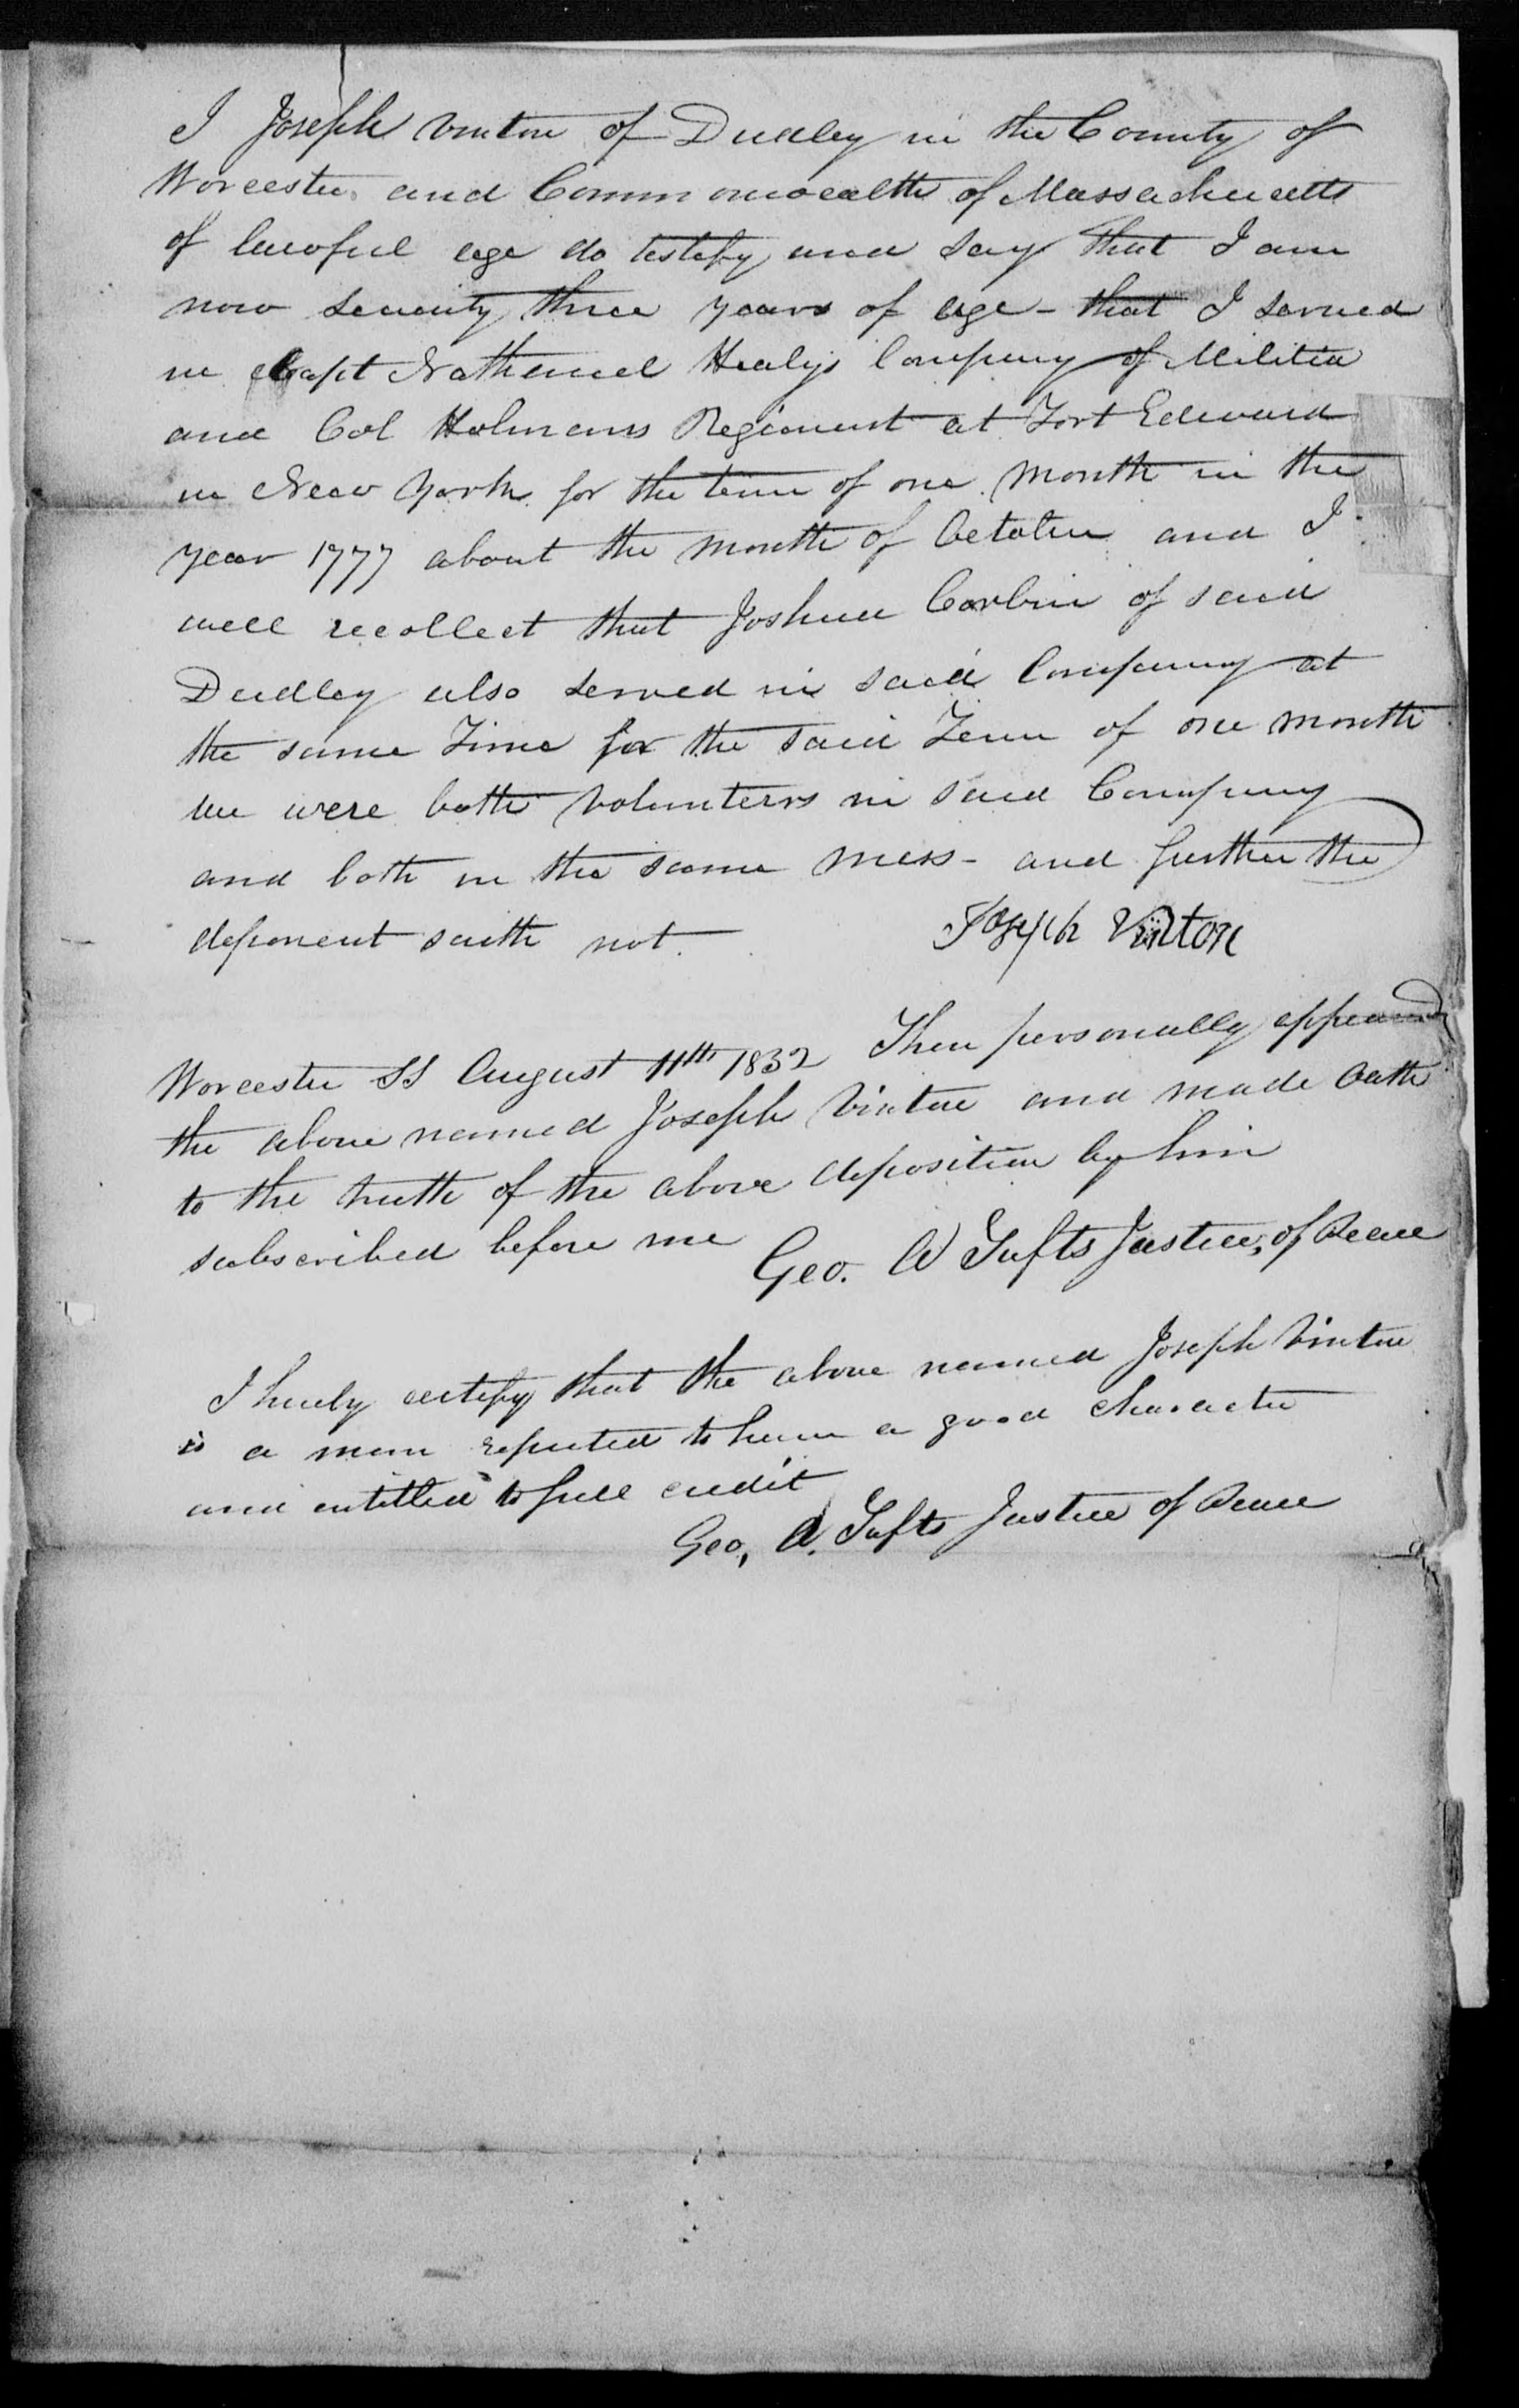I Joseph Vinton of Dudley in the County of
Worcester, and Commonwealth of Massachusetts
of lawful age do testify and say that I am
now seventy three years of age - that I served
in Capt Nathaniel Healy's Company of Militia
and Col Holmans Regiment at Fort Edward
in New York for the term of one month in the
year 1777 about the month of October and I
well recollect that Joshua Corbin of said
Dudley also served in said Company at the same time for the said Term of one month we were both volunteers in said Company and both in the same mess-- and further the deponent saith not
Joseph Vinton
Worcester SS August 11th 1832. Then personally appeared the above named Joseph Vinton and made oath to the truth of the above deposition by him subscribed before me
Geo. A Tufts Justice, of Peace
I hereby certify that the above named Joseph Vinton is a man reputed to him a good character
and entitled to full credit
Geo. A. Tufts Justice of Peace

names: Joseph Vinton, Joshua Corbin, Joseph Vinton, Joseph Vinton, Geo A Tufts, Geo A Tufts, Joseph Vinton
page: 34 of 34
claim: survivor's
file: S. 12581, Joshua Corbin, Mass.